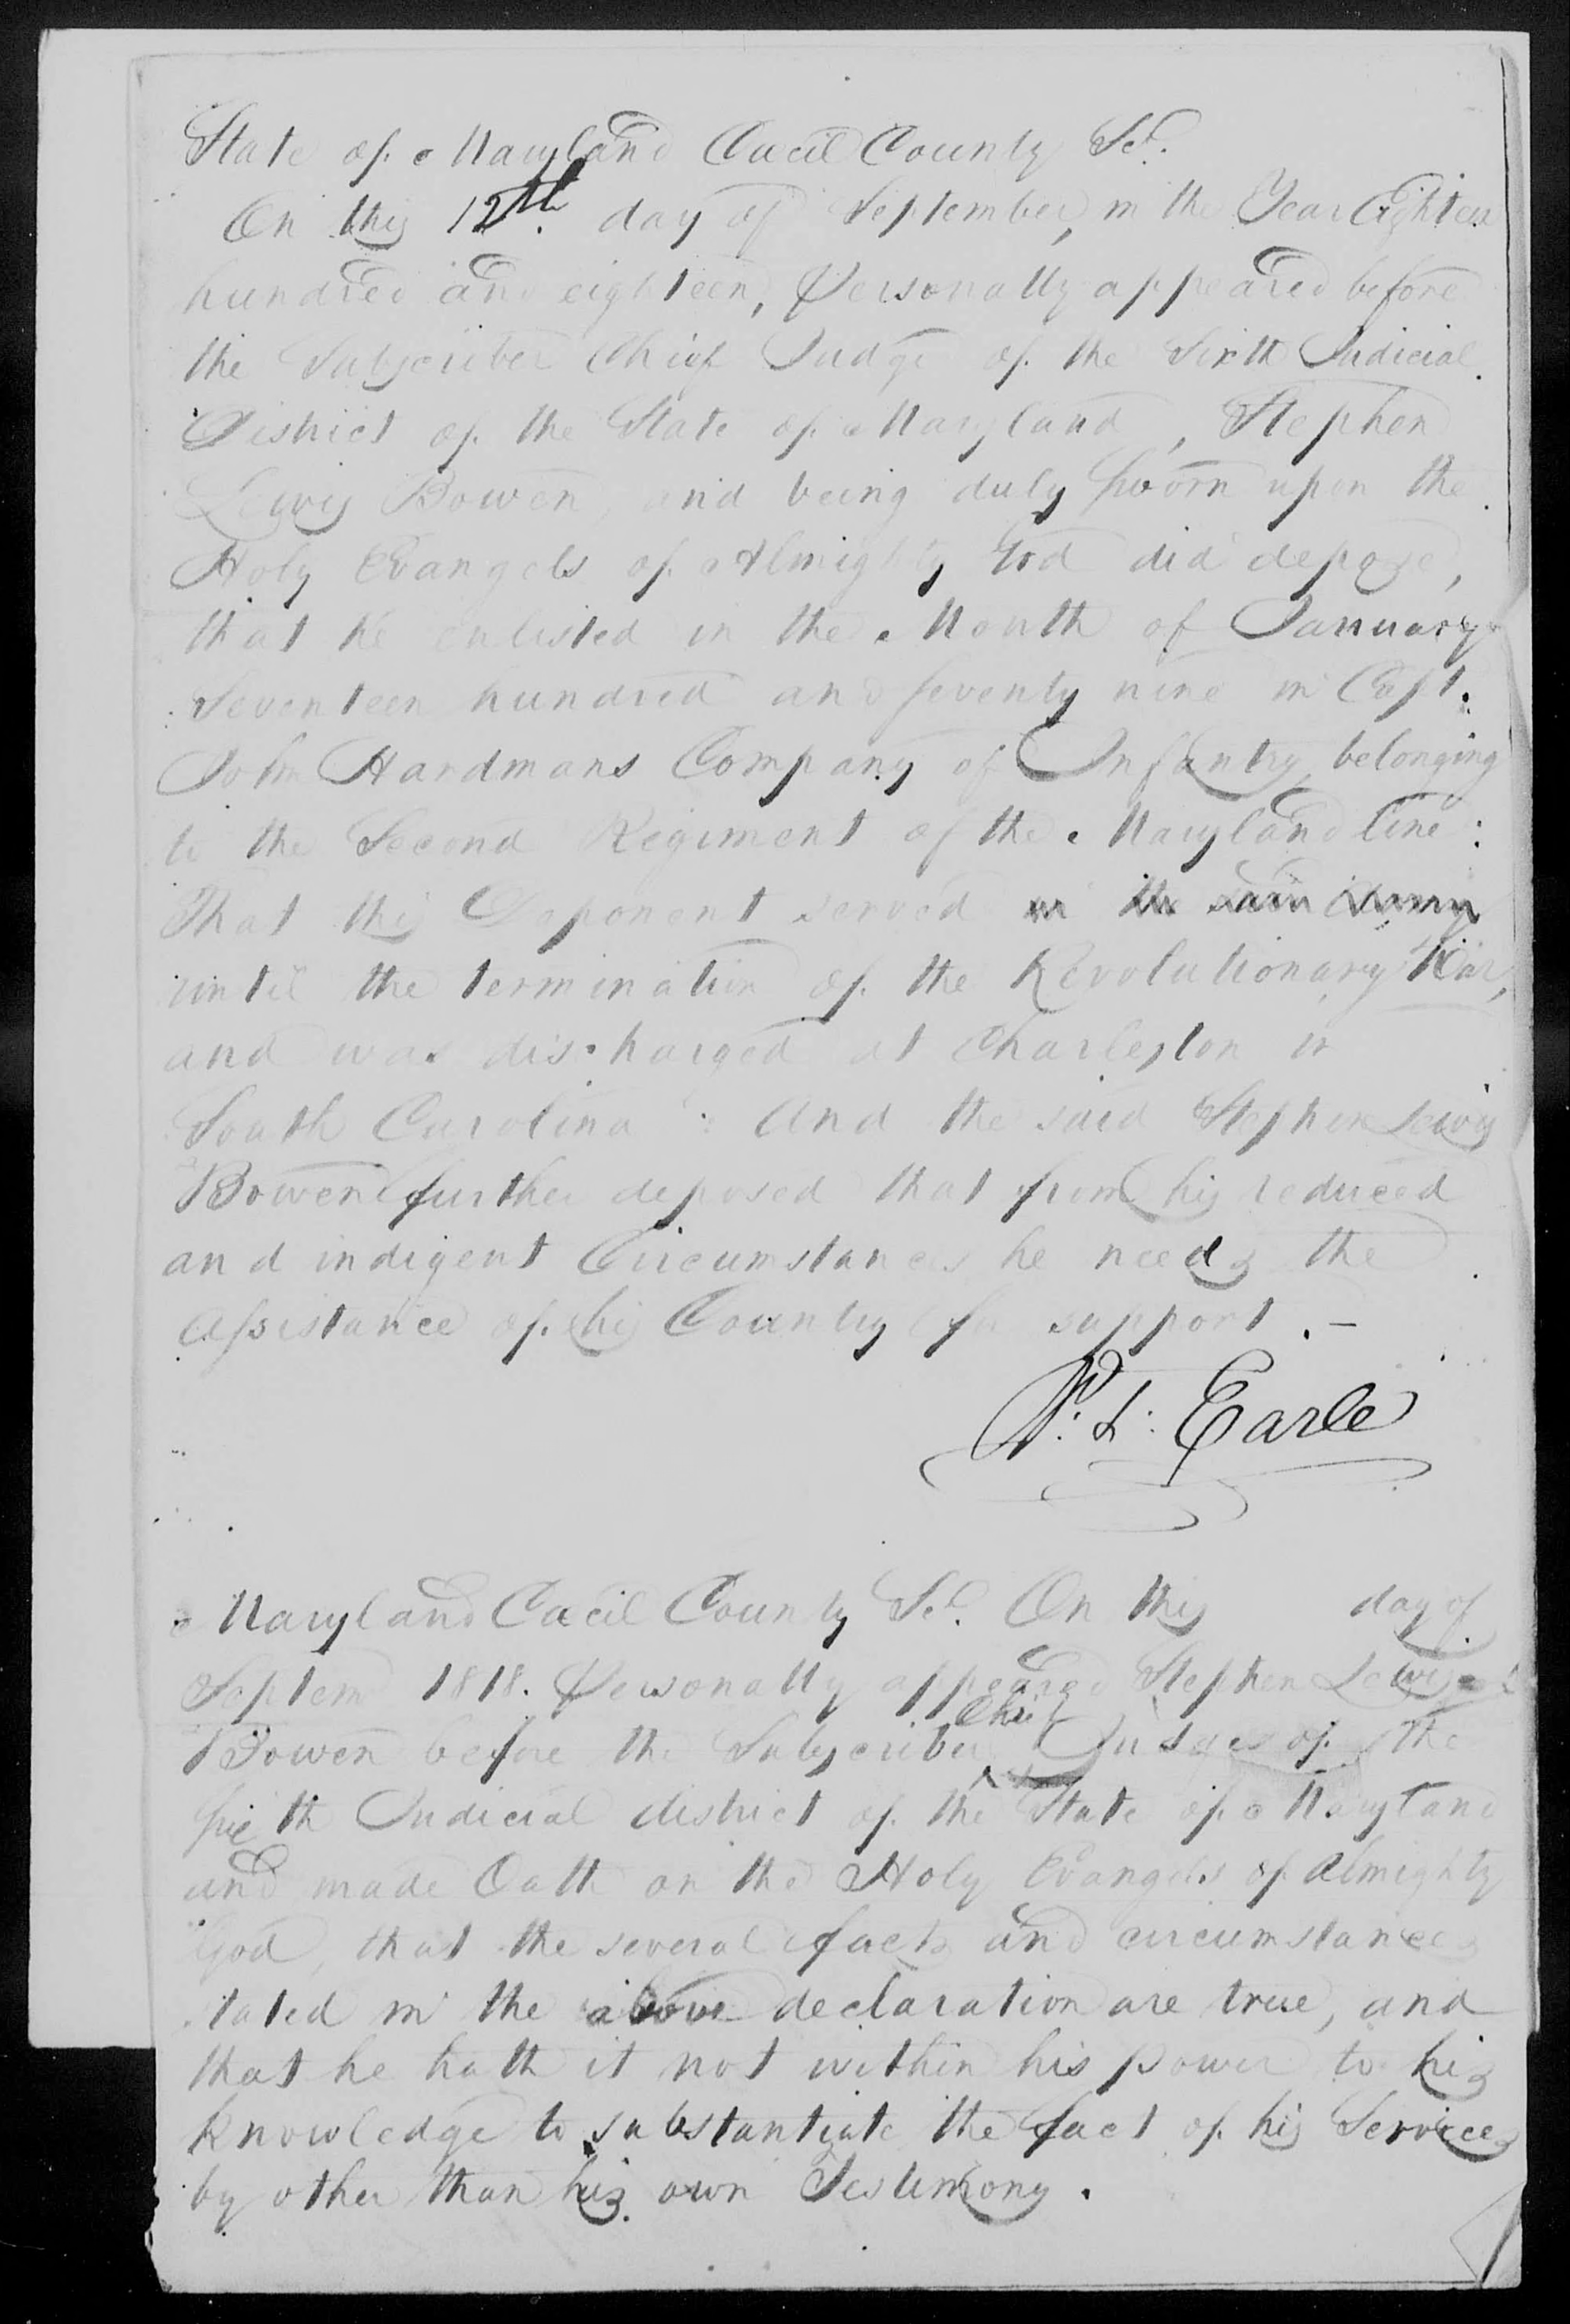State of Maryland Cecil County Sept.
On the 12th day of September in the Year Eighteen
hundred and eighteen, Personally appeared before 
the Subscriber Chief Judge of the Sixth Judicial
District of the State of Maryland, Stephen
Lewis Bowen, and being duly sworn upon the 
Holy Evangels of a almighty God did depose 
that he enlisted in the month of January
Seventeen hundred and Seventy nine in Capt. 
John Hardmans Company of Infantry belonging
to the Second Regiment of the Maryland line
that this (?) served
until the termination of the Revolutionary War
and was discharged at Charleston in
South Carolina and the said Stephen Lewis
Bowen further deposed that from this reduced 
and indigent Circumstances he needs the 
Assistance of his County for support
V T Earle

Maryland Cecil County MD.  On this ___ day of 
Sept. 1818. Personally appeared Stephen Lewis
Bowen before the Subscriber Chief Justice of the Sixth Judicial District of the State of Maryland and made Oath on the Holy Evangels of Almighty God that the several facts and circumstances stated in the above declaration are true, and that he hath it not within his Power to his knowledge to substantiate the fact of his Service by other than his own Testimony.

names: Stephen Lewis Bowen, Stephen Lewis Bowen, Stephen Lewis Bowen, V T Earle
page: 9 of 11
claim: survivor's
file: S. 34,661, Stephen Lewis Bowen, Md.